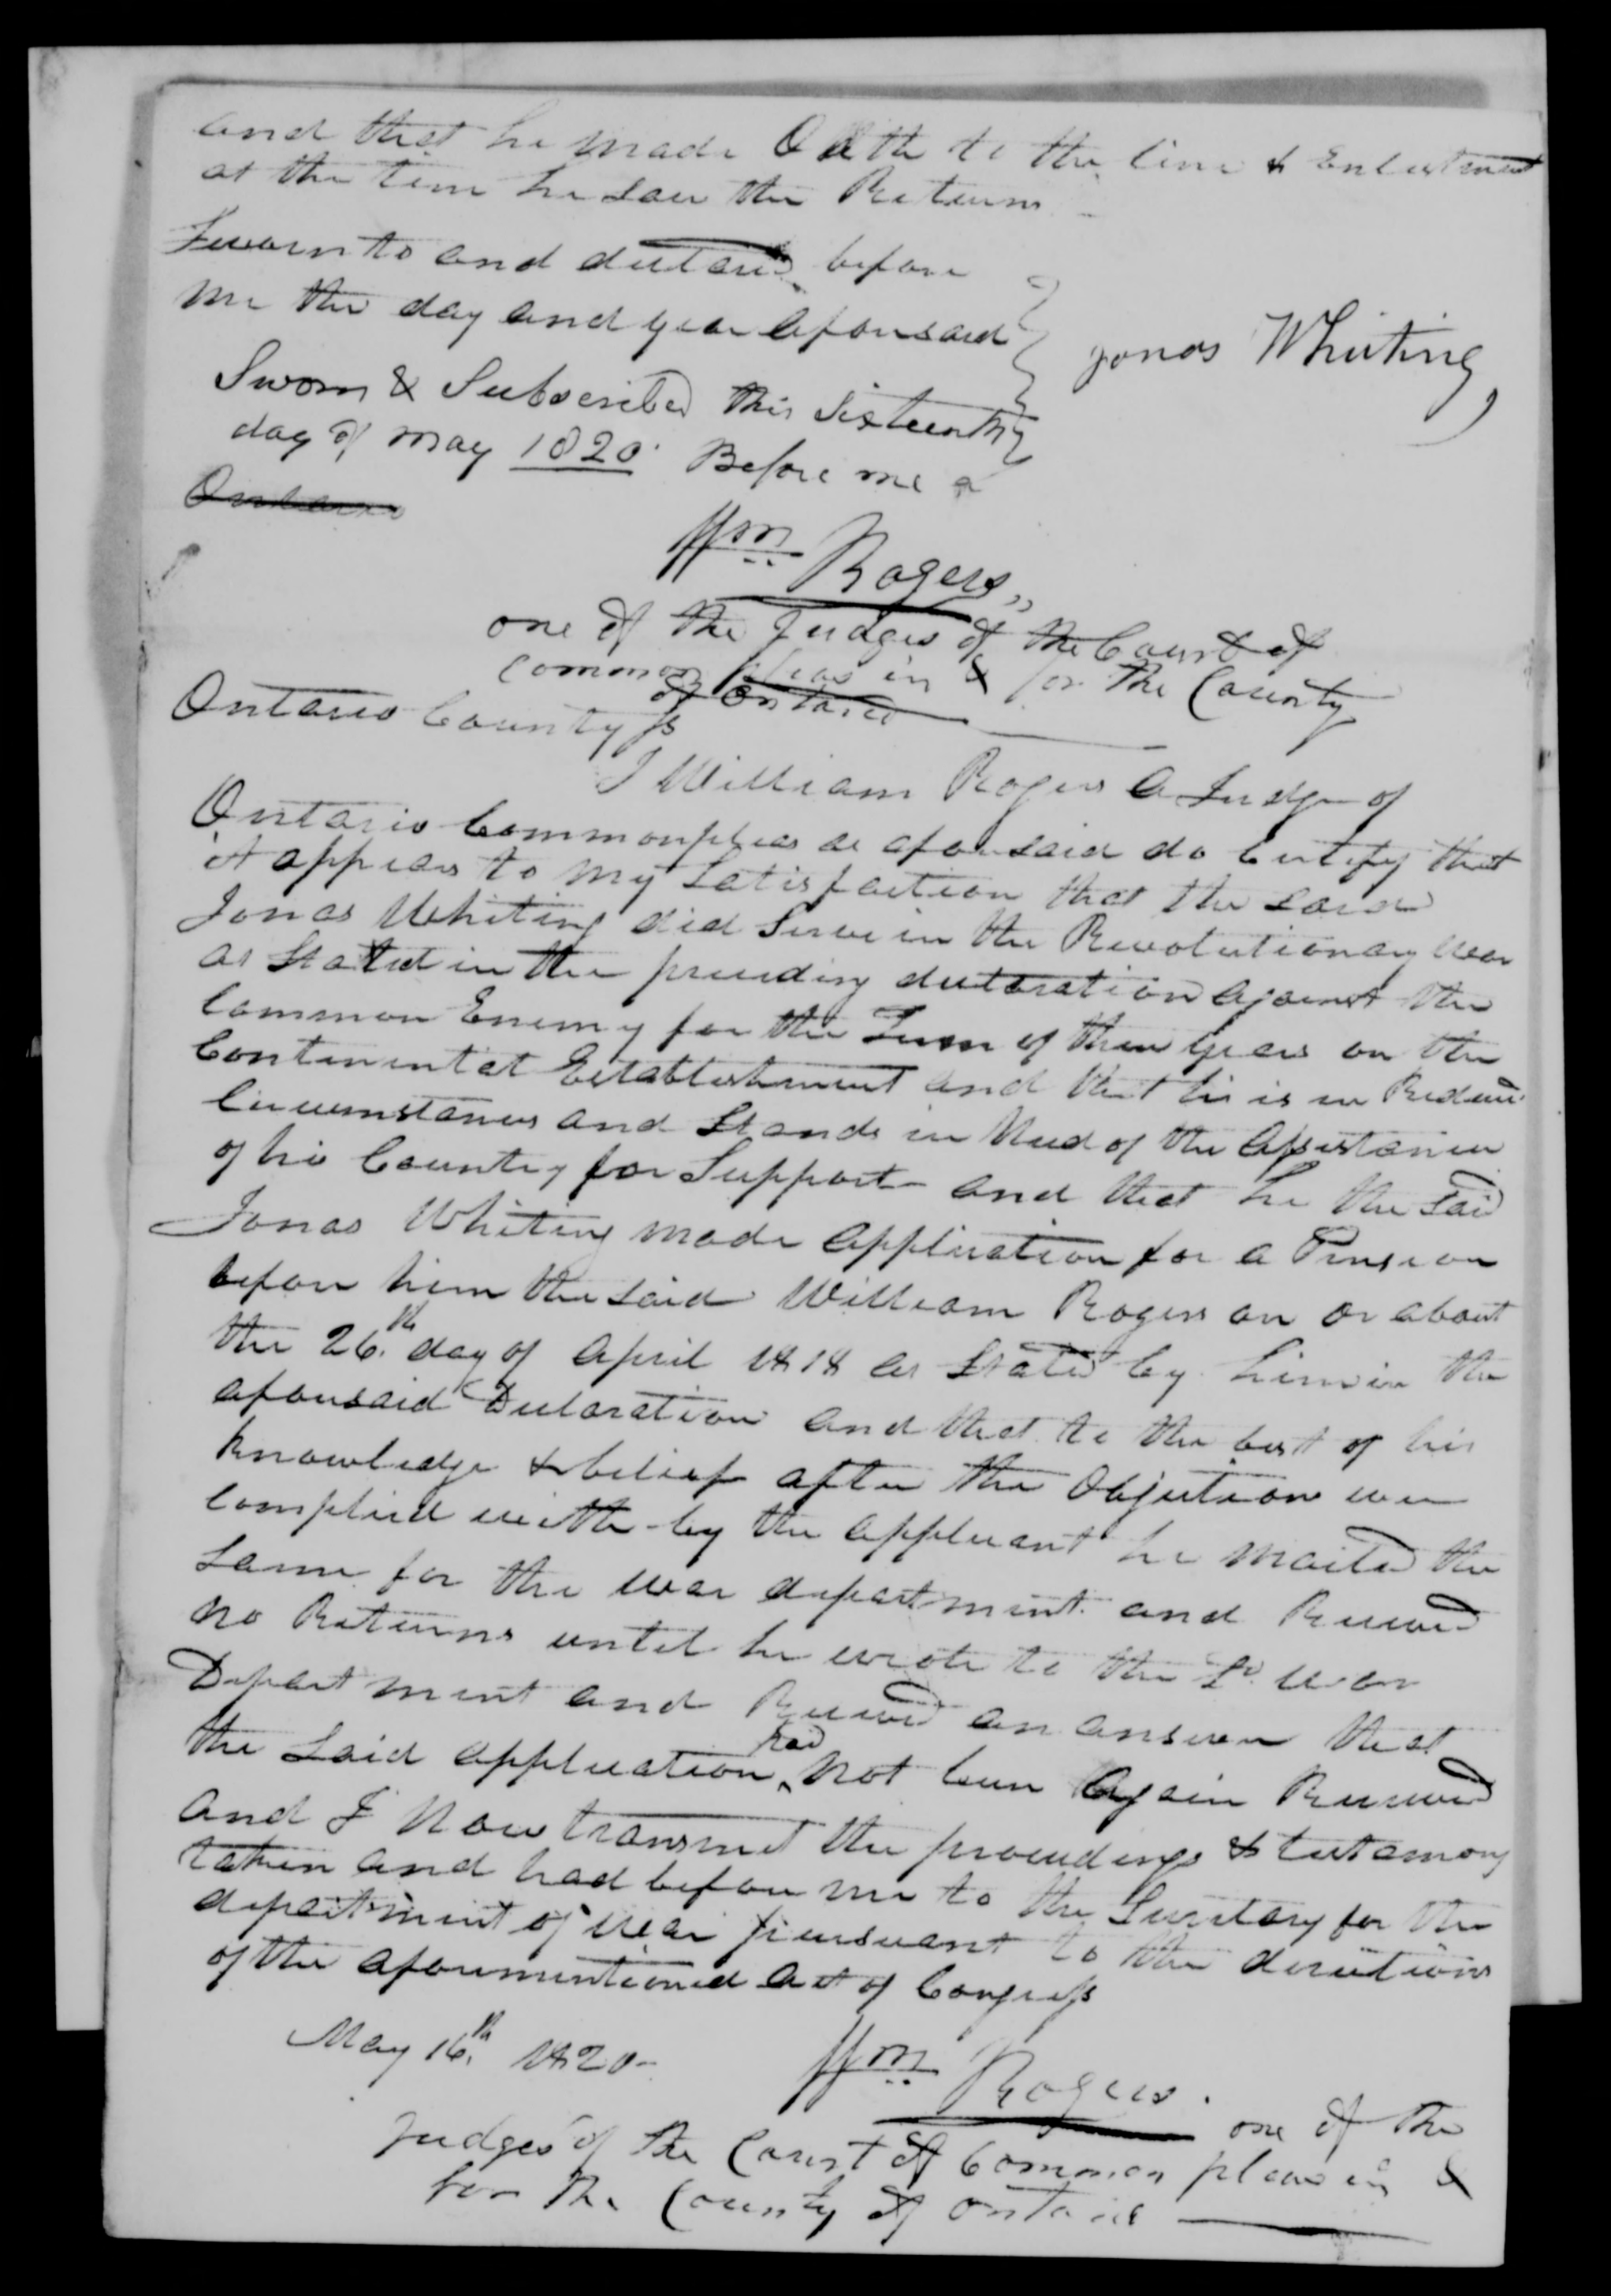and that he made oath to the time of enlistment at the time he saw the Return 
Sworn to and declared before me the day and year before said
Jonas Whiting
Sworn & subscribed this sixteenth day of May 1820 Before me
Wm. Rogers one of the Judges of the Court
of Common Pleas in & for the County of Ontario

Ontario County SS
I William Rogers a Judge of Ontario Common pleas as aforesaid do certify that Jonas Whiting did serve in the Revolutionary war as stated in the preceding declaration against the common enemy for the term of three years on the Continental Establishment and that he is in reduced circumstances and stands in need of the assistance of his country for support and that he the said Jonas Whiting made application for a Pension before him the said William Rogers on or about the 26th day of April 1818 as stated by him in the aforesaid declaration and that to the best of his knowledge & belief after the objection was complied with by the applicant he mailed the same for the War department and received no return until he wrote to the said war department and received an answer that the said application had not been again received and I now transmit the proceedings & testimony taken and had before me to the Secretary for the department of War pursuant to the directions of the aforementioned act of Congress.
May 16th 1820  Wm.. Rogers one of the Judges of the Court of Common Pleas in & for the County of Ontario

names: Jonas Whieting, Wm Rogers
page: 21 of 22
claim: survivor's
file: S. 43298, Jonas Whiting, Mass.